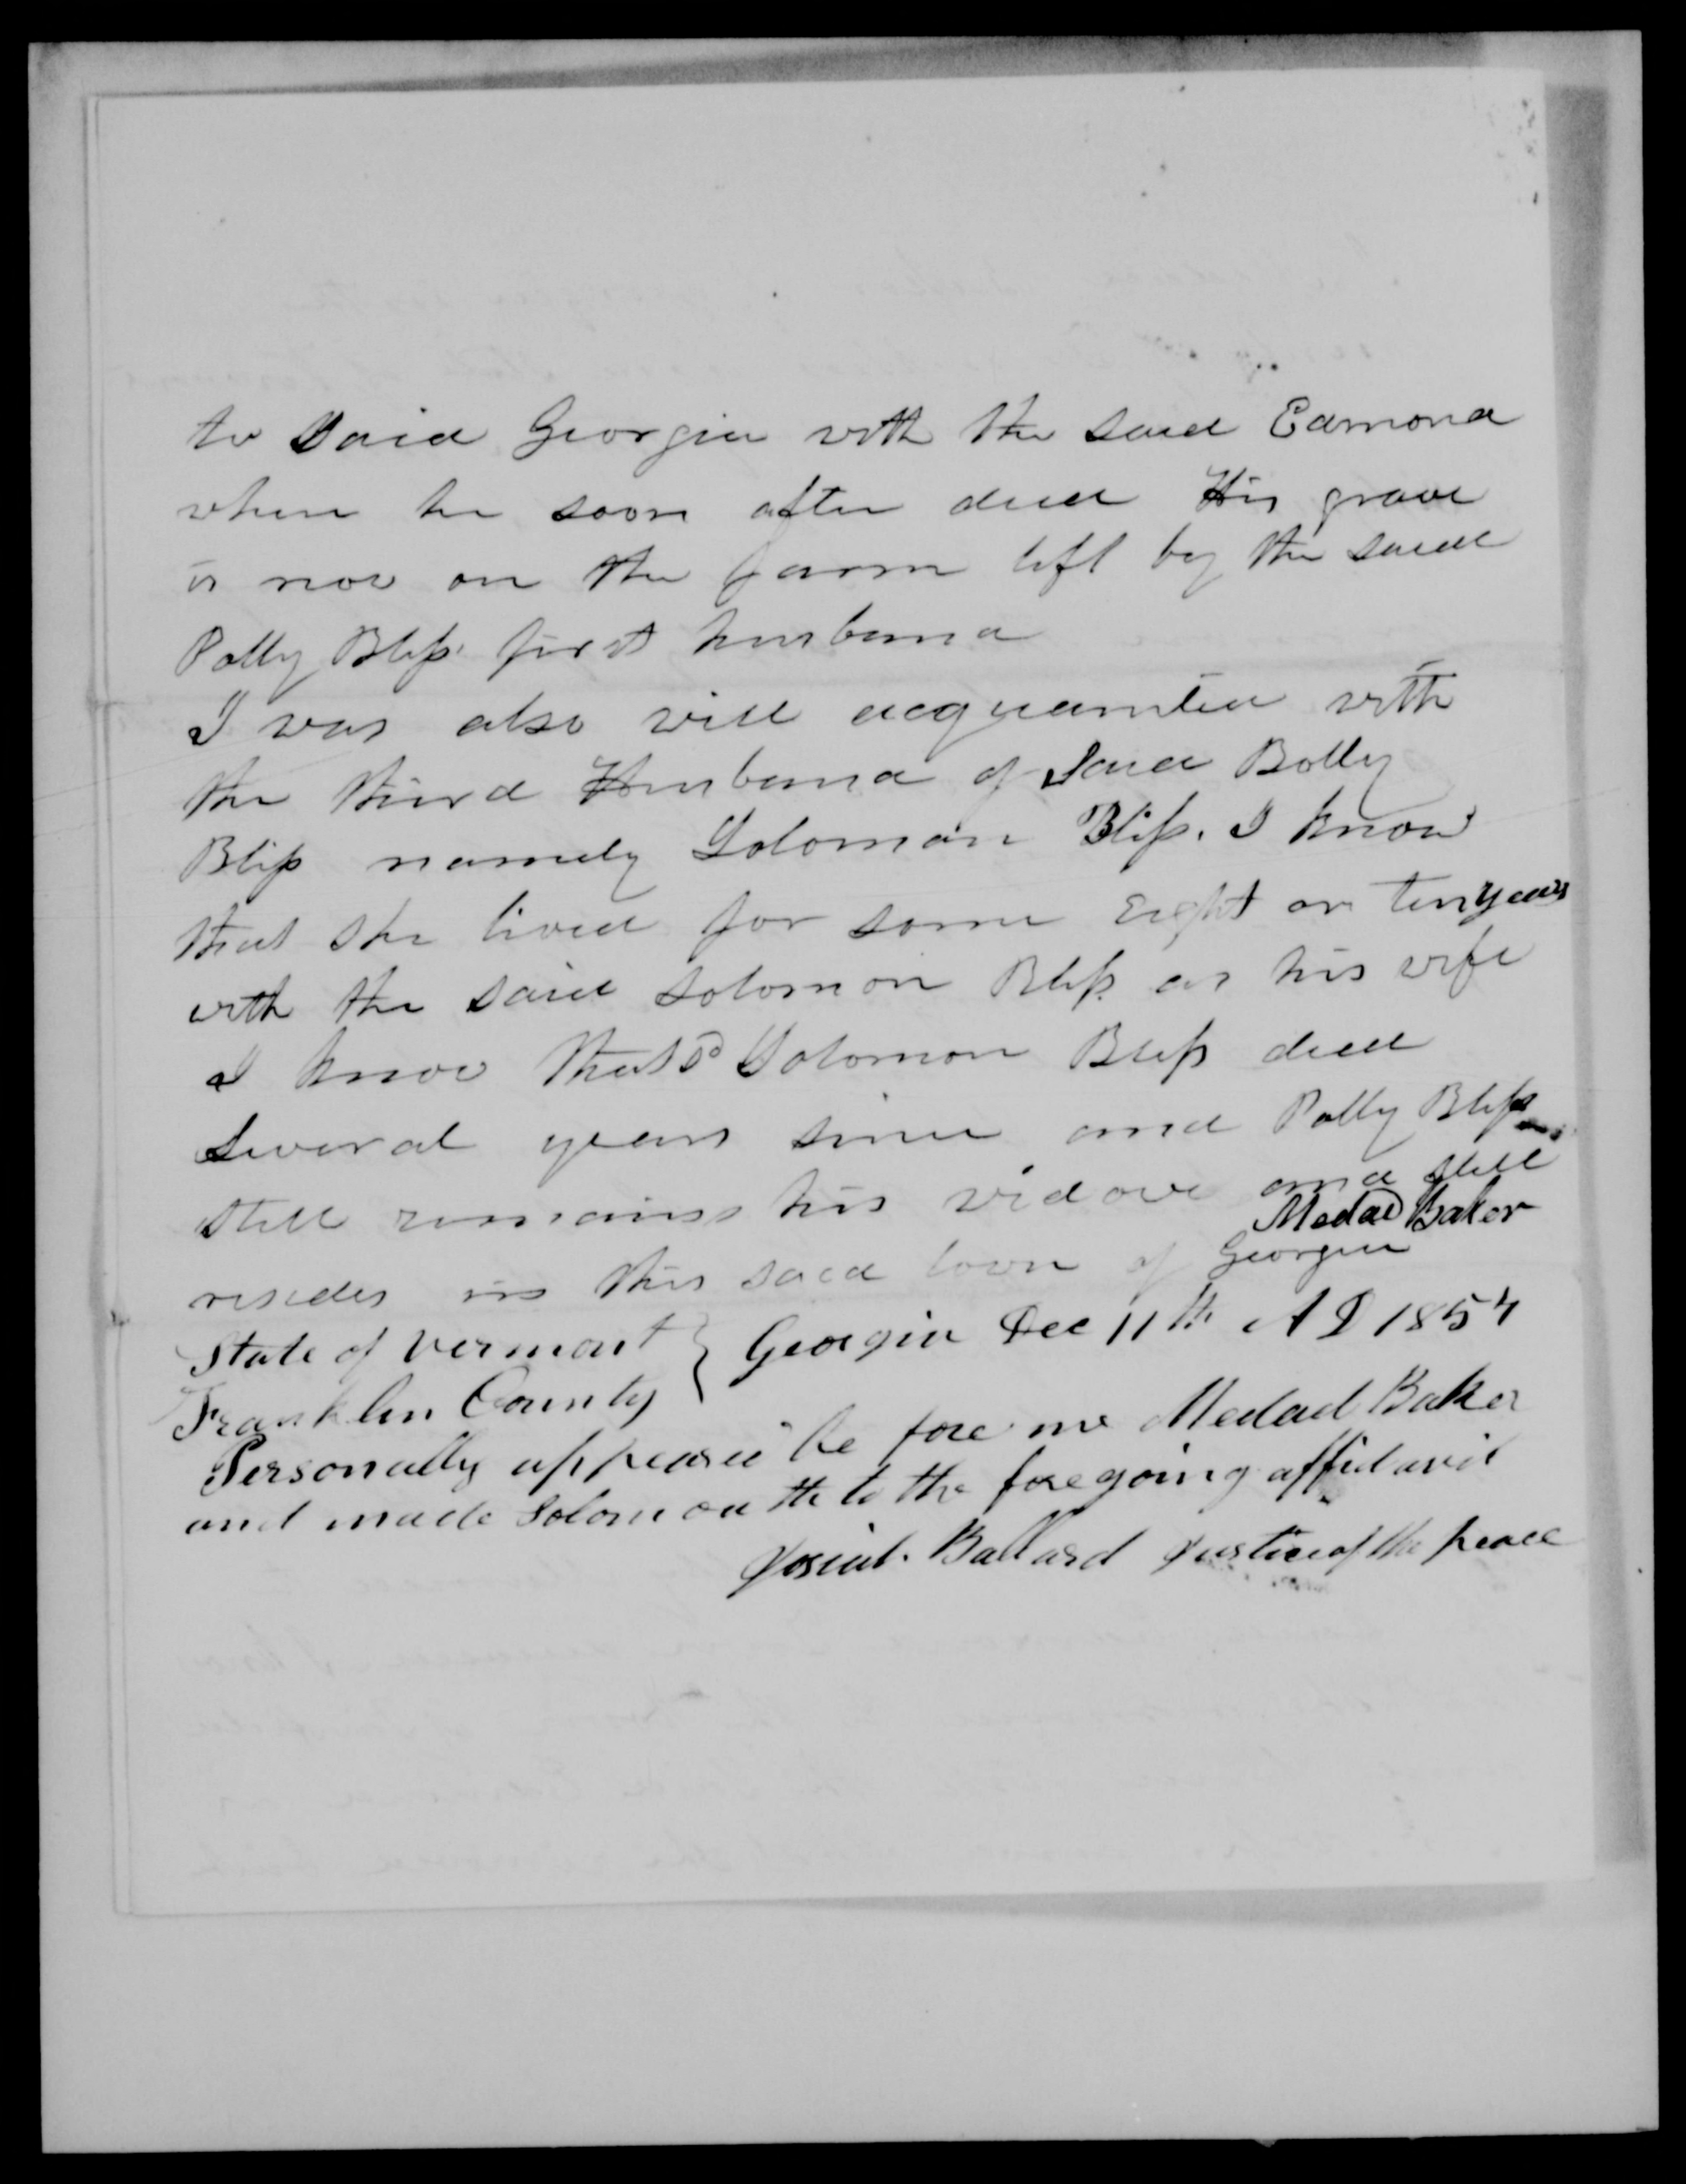to said Georgia with the said Edmond when he soon after died. His grave is now on the farm left by the said Polly Bliss first husband.
I was also well acquainted with the third husband of said Polly Bliss namely Soloman Bliss. I know that she lived for some eight or ten years with the said Solomon Bliss as his wife. I know that sd. Solomon Bliss died several years since and Polly Bliss still remains his widow and still resides in this said town of Georgia. 
Medad Baker

State of Vermont
Franklin County Georgia Dec. 11th A. D. 1854
Personally appeared before me Medad Baker and made solom oath to the foregoing affidavit.
Josiah Ballard Justice of the peace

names: Solomon Bliss, Josiah Ballard, Solomon Bliss, Solomon Bliss, Polly Bliss, Polly Bliss, Medad Baker, Edmond, Polly Bliss, Solomon, Medad Baker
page: 46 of 64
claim: widow's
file: W. 5831, Edmund Town, Mass.